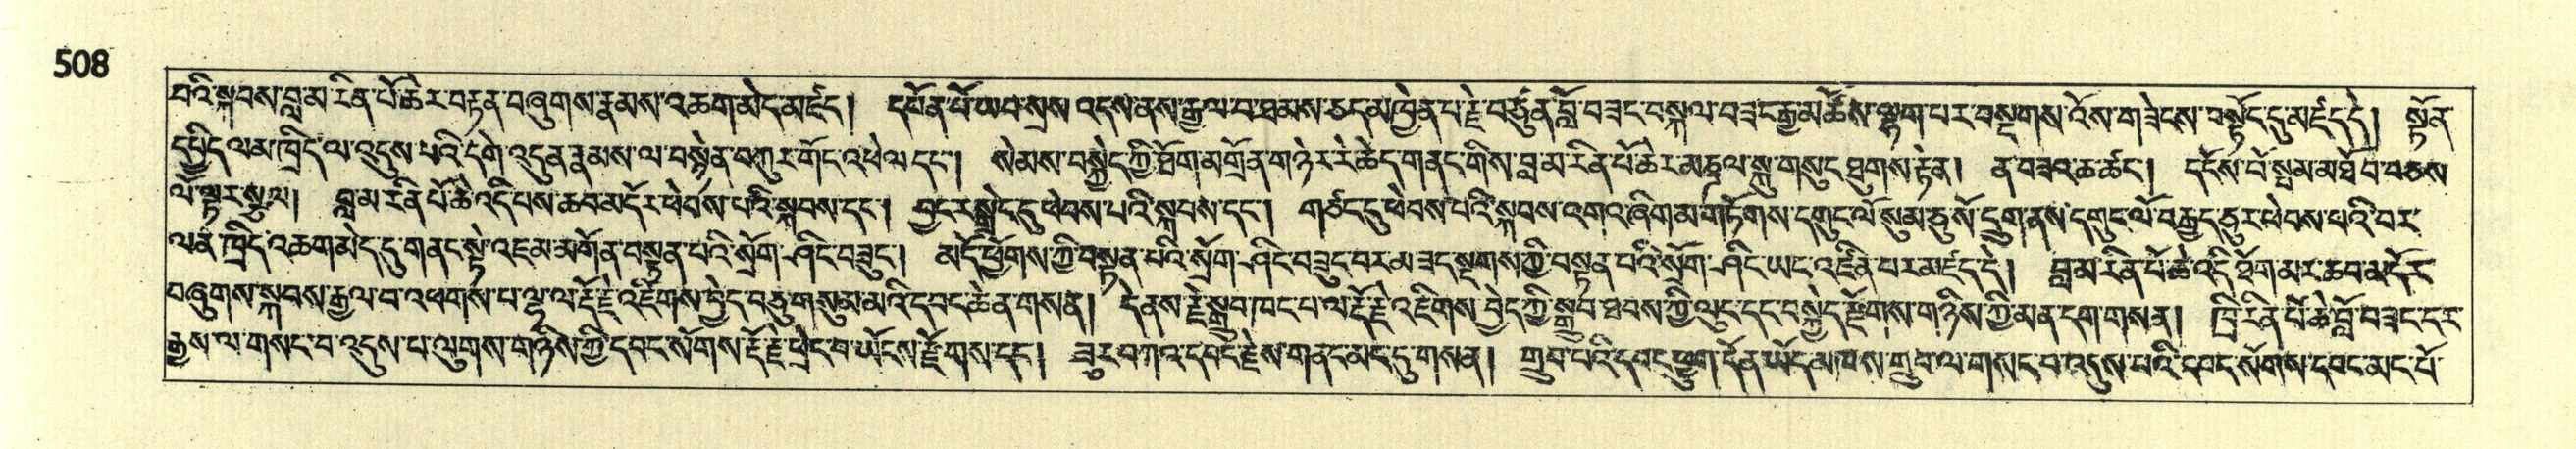བའི་སྐབས་བླ་མ་རིན་པོ་ཆེར་བརྟན་བཞུགས་རྣམས་འཆག་མེད་མཛད། དཔོན་པོ་ཡབ་སྲས་འདས་ནས་རྒྱལ་བ་ཐམས་ཅད་མཁྱེན་པ་རྗེ་བཙུན་བློ་བཟང་བསྐལ་བཟང་རྒྱ་མཚོས་ལྷག་པར་བསྔགས་འོས་གཟེངས་བསྟོང་དུ་མཛད་དེ། སྟོན་
དཔྱིད་ལམ་ཁྲིད་ལ་འདུས་པའི་དགེ་འདུན་རྣམས་ལ་བསྙེན་བཀུར་གོང་འཕེལ་དང་། སེམས་བསྐྱེད་ཀྱི་ཐོག་མགྲོན་གཉེར་རེ་ཆེད་གནང་གིས་བླ་མ་རིན་པོ་ཆེར་མཎྜལ་སྐུ་གསུང་ཐུགས་རྟེན། ན་བཟའ་ཆ་ཚང་། དངོས་བོ་སྤམ་མཐོབ་བཅས་
ལོ་ལྟར་སྩལ། བླ་མ་རིན་པོ་ཆེ་འདི་པས་ཆབ་མདོར་ཕེབས་པའི་སྐབས་དང་། བྱང་ར་སྒྲེང་དུ་ཕེབས་པའི་སྐབས་དང་། གཙང་དུ་ཕེབས་པའི་སྐབས་འགའ་ཞིག་མ་གཏོགས་དགུང་ལོ་སུམ་ཅུ་སོ་དྲུག་ནས་དགུང་ལོ་བརྒྱད་ཅུར་ཕེབས་པའི་བར་
ལན་ཁྲིད་འཆག་མེད་དུ་གནང་སྟེ་འཇམ་མགོན་བསྟན་པའི་སྲོག་ཤིང་བཟུང་། མདོ་ཕྱོགས་ཀྱི་བསྟན་པའི་སྲོག་ཤིང་བཟུང་བར་མ་ཟད་སྔགས་ཀྱི་བསྟན་པའི་སྲོག་ཤིང་ཡང་འཛིན་པར་མཛད་དེ། བླ་མ་རིན་པོ་ཆེ་འདི་ཐོག་མར་ཆབ་མདོར་
བཞུགས་སྐབས་རྒྱལ་བ་འཕགས་པ་ལྷ་ལ་རྡོ་རྗེ་འཇིགས་བྱེད་བཅུ་གསུམ་མའི་དབང་ཆེན་གསན། དེ་ནས་རྗེ་སྒྲུབ་ཁང་པ་ལ་རྡོ་རྗེ་འཇིགས་བྱེད་ཀྱི་སྒྲུབ་ཐབས་ཀྱི་ལུང་དང་བསྐྱེད་རྫོགས་གཉིས་ཀྱི་མན་དག་གསན། ཁྲི་རིན་པོ་ཆེ་བློ་བཟང་དར་
རྒྱས་ལ་གསང་བ་འདུས་པ་ལུགས་གཉིས་ཀྱི་དབང་སོགས་རྡོ་རྗེ་ཕྲེང་བ་ཡོངས་རྫོགས་དང་། ཟུར་བཀའ་དབང་རྗེས་གནང་མང་དུ་གསན། གྲུབ་པའི་དབང་ཕྱུག་དོན་ཡོད་མཁས་གྲུབ་ལ་གསང་བ་འདུས་པའི་དབང་སོགས་དབང་མང་པོ་